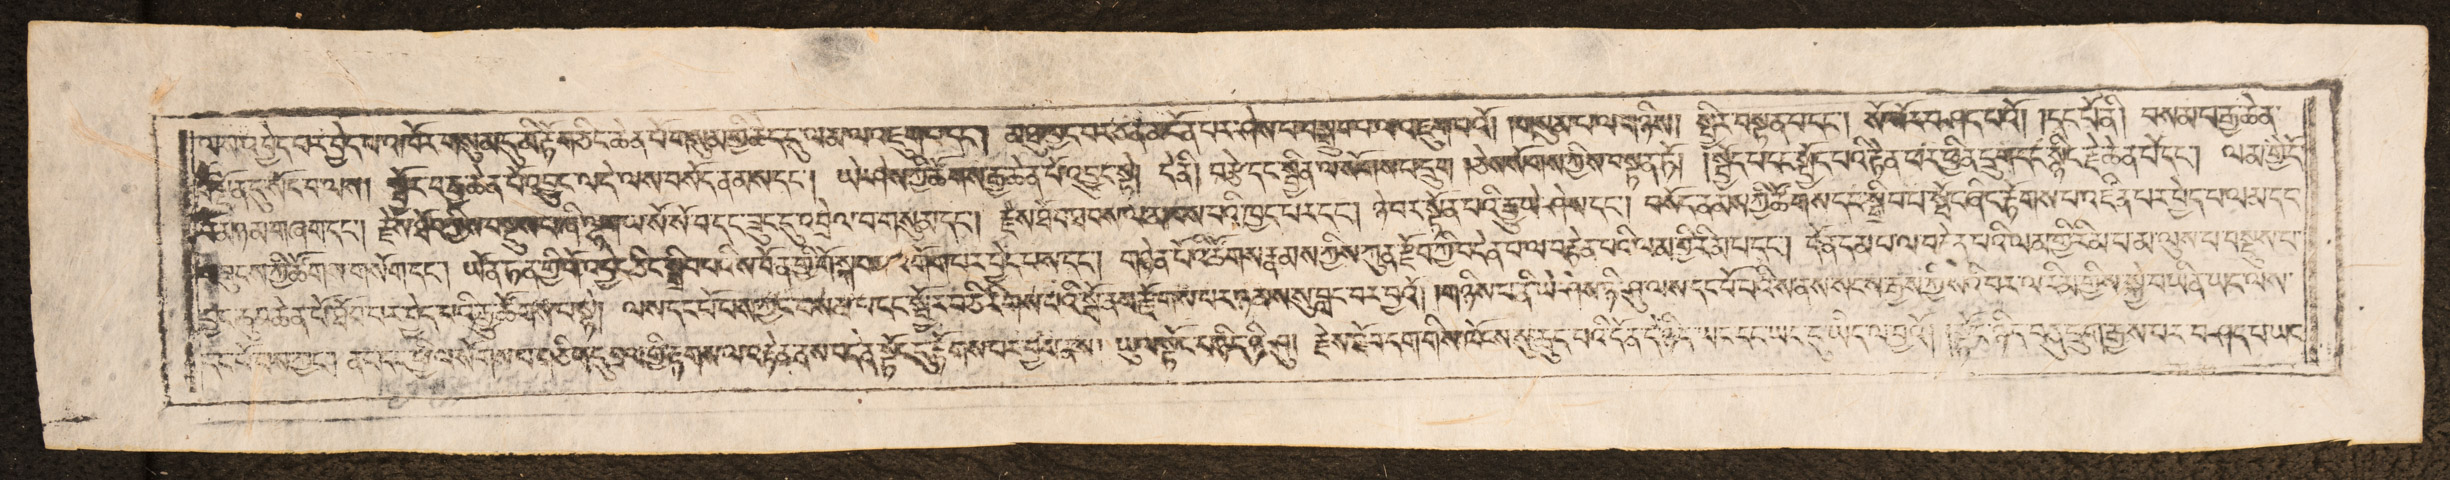ལས་འབྱེད་པར་བྱེད་པ་འཁོར་གསུམ་དུ་མི་རྟོག་ཅིང་ཆེན་པོ་གསུམ་གྱི་ཆེད་དུ་ལམ་ལ་འཇུག་པ་དང་། མཐུ་ཁྱད་པར་ཅན་མངོན་པར་ཤེས་པ་བསྒྲུབ་པ་ལ་འཇུག་པའོ། །གསུམ་པ་ལ་གཉིས། སྤྱིར་བསྟན་པ་དང་། སོ་སོར་བཤད་པའོ། །དང་པོ་ནི། བསམ་པ་རྒྱ་ཆེན་
པོ་སྔོན་དུ་སོང་བ་ལས། སྦྱོར་བ་རྒྱ་ཆེན་པོ་འབྱུང་ལ་དེ་ལས་བསོད་ནམས་དང་། ཡེ་ཤེས་ཀྱི་ཚོགས་རྒྱ་ཆེན་པོ་འབྱུང་སྟེ། དེ་ནི། བརྩེ་དང་སྦྱིན་ལ་སོགས་པ་དྲུག །ཅེས་སོགས་ཀྱིས་བསྟན་ཏོ། །སྤྱོད་པ་དང་སྤྱོད་པའི་རྟེན་ཕར་ཕྱིན་དྲུག་དང་སྙིང་རྗེ་ཆེན་པོ་དང་། ལམ་གྱི་ངོ་
བོ་མཉམ་གཞག་དང་། རྗེས་ཐོབ་ཀྱིས་བསྡུས་པ་ཞི་ལྷག་ཡ་སོ་སོ་བ་དང་ཟུང་དུ་འབྲེལ་བ་གསུམ་དང་། རྗེས་ཐོབ་ཐབས་ལ་མཁས་པའི་ཁྱད་པར་དང་། ཉེ་བར་སྟོན་པའི་རྒྱུ་ཡེ་ཤེས་དང་། བསོད་ནམས་ཀྱི་ཚོགས་དང་སྒྲིབ་པ་སྤོང་ཞིང་རྟོགས་པ་འཛིན་པར་བྱེད་པ་ལམ་དང་
གཟུངས་ཀྱི་ཚོགས་གསོག་དང་། ཡོན་ཏན་གྱི་གོ་འབྱེད་ཅིང་སྒྲིབ་པའི་ས་བོན་གྱི་གོ་སྐབས་འགོག་པར་བྱེད་པས་དང་། གཉེན་པོའི་ཚོགས་རྣམས་ཀྱིས་ཀུན་རྫོབ་ཀྱི་བདེན་པ་ལ་བརྟེན་པའི་ལམ་གྱི་རིམ་པ་དང་། དོན་དམ་པ་ལ་བརྟེན་པའི་ལམ་གྱི་རིམ་པ་མ་ལུས་པ་བསྡུས་པ་
བྱང་ཆུབ་ཆེན་པོ་ཐོབ་པར་བྱེད་པའི་རྒྱུ་ཚོགས་པ་སྟེ། ལས་དང་པོ་པས་ཀྱང་བསམ་པ་དང་སྦྱོར་བ་ཅི་རིགས་པའི་སྒོ་ནས་རྫོགས་པར་ཉམས་སུ་བླང་བར་བྱའོ། །གཉིས་པ་ནི་ཡེ་ཤེས་ཉི་ཤུ་ལས་དང་པོ་པའི་ས་ནས་སངས་རྒྱས་ཀྱི་སའི་བར་ལ་རིམ་གྱིས་སྐྱེ་བ་ཡིན་ཡང་ལས་
དང་པོ་པས་ཀྱང་། ནང་དང་ཕྱི་ལ་སོགས་པ་གཅིག་དུ་བྲལ་གྱི་རྟགས་ལ་བརྟེན་ནས་བདེན་སྟོང་དུ་རྟོགས་པར་བྱས་ནས། ཡུལ་སྟོང་པ་ཉིད་ཉི་ཤུ། རྗེས་ཐོབ་དག་གིས་ཁོངས་སུ་ཆུད་པའི་དོན་དེ་ཉིད་ཡང་དང་ཡང་དུ་ཡིད་ལ་བྱའོ། །སྟོང་ཉིད་བཅུ་དྲུག་རྒྱས་པར་བཤད་པ་ཡང་